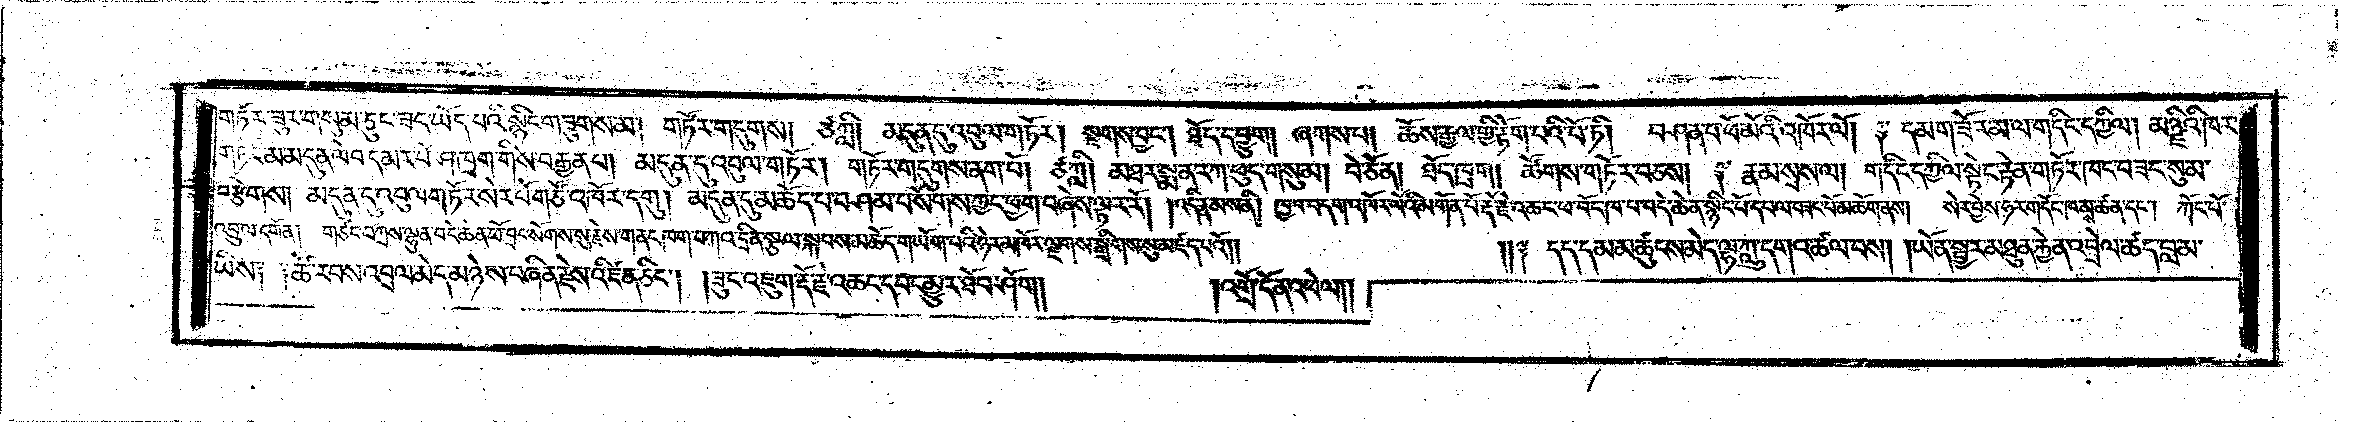གཏོར་ཟུར་གསུམ་ཅུང་ཟད་ཡོད་པའི་སྙིང་གཟུགས་མ། གཏོར་གདུགས། ཙཀླི། མདུན་དུ་འབུལ་གཏོར། སྔགས་བྱད། ཐོད་དབྱུག། ཞགས་པ། ཆོས་རྒྱལ་གྱི་རྟོག་པའི་པོ་ཏི། བཤན་པ་ཕོ་མོའི་འཁོར་ལོ། ༈ དམ་གཟོན་མ་ལ་གདིང་དཀྱིལ། མཉྫིའི་ཁིར་
གཏོར་མ་མདུན་ལེ་བད་མར་པོ་ཤ་ཁྲག་གིས་བརྒྱན་པ། མདུན་དུ་འབུལ་གཏོར། གཏོར་གདུགས་ནག་པོ། ཙཀླི། མཐར་སྨན་རྐ་ཕུད་གསུམ། བེ་ཅོན། ཐོད་ཁྲག། ཚོགས་གཏོར་བཅས། ༈ རྣམ་སྲས་ལ། གདིང་དཀྱིལ་སྟེང་རྟེན་གཏོར་ཁང་བཟང་སུམ་
བརྩེགས། མདུན་དུ་འབུལ་གཏོར་སེར་པོ་གཙོ་འཁོར་དགུ། མདུན་དུ་མཆོད་པ་བཤམ་པ་སོགས་ཀྱང་ཕྱག་བཞེས་ལྟར་རོ། །འདི་རྣམས་ནི། ཁྱབ་བདག་འཁོར་ལོའི་མགོན་པོ་རྡོ་རྗེ་འཆང་ཕ་བོང་ཁ་པ་བདེ་ཆེན་སྙིང་པོ་དཔལ་བཟང་པོ་མཆོག་ནས། སེར་བྱེས་ཧར་གདོང་ཁམས་ཚན་དང་། ཀོང་པོ་
འབྲུལ་དགོན། གཙང་བགྲས་ལྷུན་བདེ་ཆེན་ཕོ་བྲང་སོགས་སུ་རྗེས་གནང་ཁག་བཀའ་དྲིན་སྩལ་སྐབས་མཆོད་གཡོག་པའི་ཉེར་མཁོར་ལྗགས་སྒྲིགས་སུ་མཛད་པའོ།། །།༈ དད་དམ་མཚུངས་མེད་ལྷ་ཀླུ་དགའ་ཚལ་བས། །ཡོན་སྦྱར་མཐུན་རྐྱེན་འབྲེལ་ཚད་བླ་མ་
ཡིས༑ ༑ཚེ་རབས་འབྲལ་མེད་མཉེས་བཞིན་རྗེས་འཛིན་ཅིང་། །ཟུང་འཇུག་རྡོ་རྗེ་འཆང་དབང་མྱུར་ཐོབ་ཤོག། །འགྲོ་དོན་འཕེལ།།